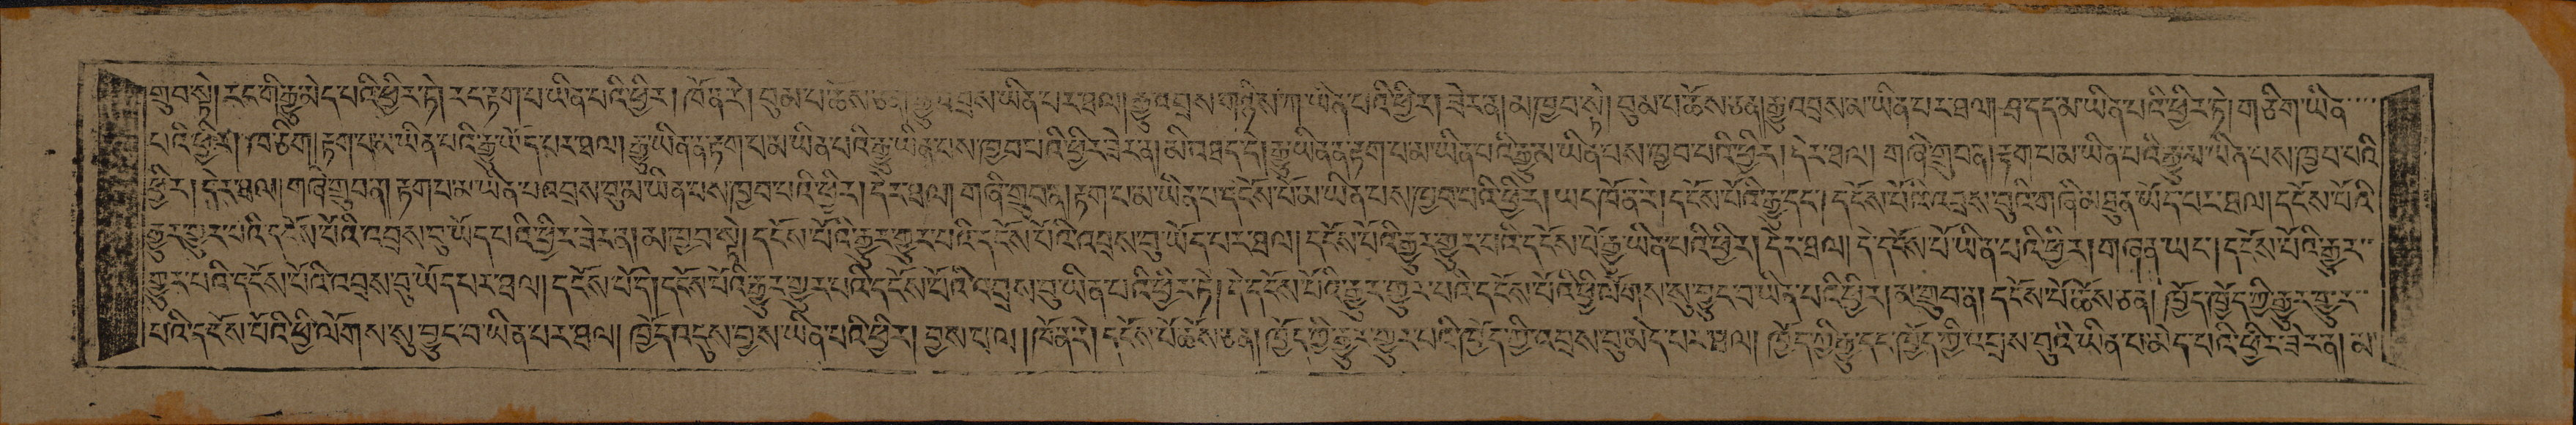གྲུབ་སྟེ། རང་གི་རྒྱུ་མེད་པའི་ཕྱིར་ཏེ། རང་རྟག་པ་ཡིན་པའི་ཕྱིར། ཁོ་ན་རེ། བུམ་པ་ཆོས་ཅན། རྒྱུ་འབྲས་ཡིན་པར་ཐལ། རྒྱུ་འབྲས་གཉིས་ཀ་ཡིན་པའི་ཕྱིར། ཟེར་ན། མ་ཁྱབ་སྟེ། བུམ་པ་ཆོས་ཅན། རྒྱུ་འབྲས་མ་ཡིན་པར་ཐལ། ཐ་དད་མ་ཡིན་པའི་ཕྱིར་ཏེ། གཅིག་ཡིན་
པའི་ཕྱིར། ཁ་ཅིག །རྟག་པ་མ་ཡིན་པའི་རྒྱུ་ཡོད་པར་ཐལ། རྒྱུ་ཡིན་ན་རྟག་པ་མ་ཡིན་པའི་རྒྱུ་ཡིན་པས་ཁྱབ་པའི་ཕྱིར་ཟེར་ན། མི་འཐད་དེ། རྒྱུ་ཡིན་ན་རྟག་པ་མ་ཡིན་པའི་རྒྱུ་མ་ཡིན་པས་ཁྱབ་པའི་ཕྱིར། དེར་ཐལ། གཞི་གྲུབ་ན། རྟག་པ་མ་ཡིན་པའི་རྒྱུ་མ་ཡིན་པས་ཁྱབ་པའི་
ཕྱིར༑ དེར་ཐལ། གཞི་གྲུབ་ན། རྟག་པ་མ་ཡིན་པ་འབྲས་བུ་མ་ཡིན་པས་ཁྱབ་པའི་ཕྱིར། དེར་ཐལ། གཞི་གྲུབ་ན། རྟག་པ་མ་ཡིན་པ་དངོས་པོ་མ་ཡིན་པས་ཁྱབ་པའི་ཕྱིར། ཡང་ཁོ་ན་རེ། དངོས་པོའི་རྒྱུ་དང་། དངོས་པོའི་འབྲས་བུའི་གཞི་མཐུན་ཡོད་པར་ཐལ། དངོས་པོའི་
རྒྱུར་གྱུར་པའི་དངོས་པོའི་འབྲས་བུ་ཡོད་པའི་ཕྱིར་ཟེར་ན། མ་ཁྱབ་སྟེ། དངོས་པོའི་རྒྱུར་གྱུར་པའི་དངོས་པོའི་འབྲས་བུ་ཡོད་པར་ཐལ། དངོས་པོའི་རྒྱུར་གྱུར་པའི་དངོས་པོ་རྒྱུ་ཡིན་པའི་ཕྱིར། དེར་ཐལ། དེ་དངོས་པོ་ཡིན་པའི་ཕྱིར། གཞན་ཡང་། དངོས་པོའི་རྒྱུར་
གྱུར་པའི་དངོས་པོའི་འབྲས་བུ་ཡོད་པར་ཐལ། དངོས་པོ་དེ། དངོས་པོའི་རྒྱུར་གྱུར་པའི་དངོས་པོའི་འབྲས་བུ་ཡིན་པའི་ཕྱིར་ཏེ། དེ་དངོས་པོའི་རྒྱུར་གྱུར་པའི་དངོས་པོའི་ཕྱི་ལོགས་སུ་བྱུང་བ་ཡིན་པའི་ཕྱིར། མ་གྲུབ་ན། དངོས་པོ་ཆོས་ཅན། ཁྱོད་ཁྱོད་ཀྱི་རྒྱུར་གྱུར་
པའི་དངོས་པོའི་ཕྱི་ལོགས་སུ་བྱུང་བ་ཡིན་པར་ཐལ། ཁྱོད་འདུས་བྱས་ཡིན་པའི་ཕྱིར། བྱས་པ་ལ། ཁོ་ན་རེ། དངོས་པོ་ཆོས་ཅན། ཁྱོད་ཀྱི་རྒྱུར་གྱུར་པའི་ཁྱོད་ཀྱི་འབྲས་བུ་མེད་པར་ཐལ། ཁྱོད་ཀྱི་རྒྱུ་དང་ཁྱོད་ཀྱི་འབྲས་བུའི་ཡིན་པ་མེད་པའི་ཕྱིར་ཟེར་ན། མ་